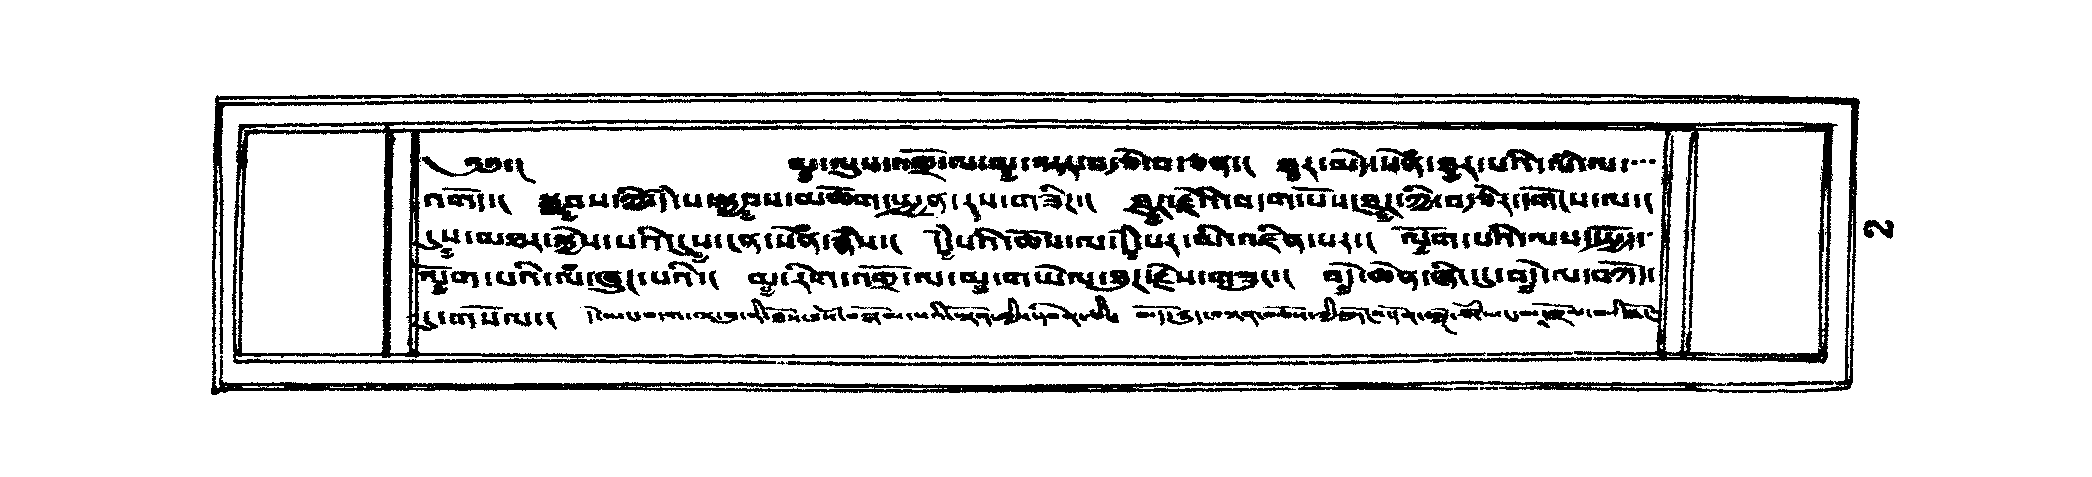མ་ལུས་འགྲོ་ལམ་མ་ལྟར་བརྩེ་བ་ཅན། །ཐར་མེད་སེམས་ཅན་ཐར་པའི་ལམ་ལ་
འགོད། །སྐྱབས་ཀྱི་དམ་པ་སྐྱབས་མཆོག་སྤྱན་རས་གཟིགས། །ཐུགས་རྗེའི་བདག་པོས་ཐུགས་ཀྱི་བརྩེར་དགོངས་ལ། །
དུས་མཐར་སྐྱེས་པའི་དུས་ངན་སེམས་ཅན་རྣམས། །དམ་པའི་ཆོས་ལ་དམ་པར་མི་འཛིན་པར། །ལོག་པའི་ལས་སྤྱོད་
ལོག་པའི་ལས་ཞུགས་པའི། །མ་རིག་འགྲོ་ལ་མ་གཡེལ་ཐུགས་རྗེས་བཟུང་། །བདེ་ཆེན་ཞིང་དུ་བདེ་ལ་བཀོད་
དུ་གསོལ། དེ་ཡང་བདག་ལྟ་བུ་ནི་ཐོས་བསམ་བསྒོམ་པའི་ཡོན་ཏན་གྱིས་དབེན་ཅིང་། མདོ་རྒྱུད་བསྟན་བཅོས་ཀྱི་དགོངས་དོན་ཕྱོགས་ཙམ་ཡང་མ་འཁྲོལ་བའི་རྨོངས་